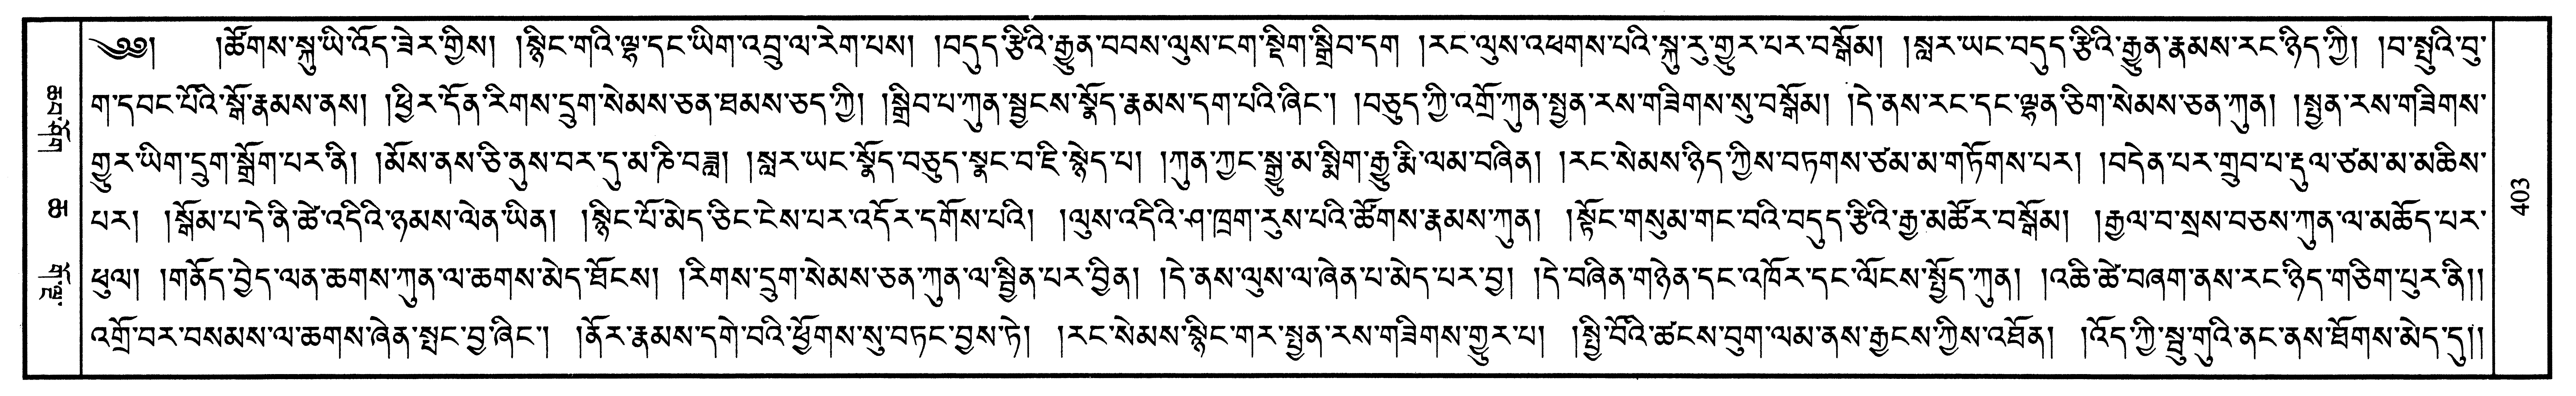༄༅། །ཚོགས་སྐུ་ཡི་འོད་ཟེར་གྱིས། །སྙིང་གའི་ལྷ་དང་ཡིག་འབྲུ་ལ་རེག་པས། །བདུད་རྩིའི་རྒྱུན་བབས་ལུས་ངག་སྡིག་སྒྲིབ་དག །རང་ལུས་འཕགས་པའི་སྐུ་རུ་གྱུར་པར་བསྒོམ། །སླར་ཡང་བདུད་རྩིའི་རྒྱུན་རྣམས་རང་ཉིད་ཀྱི། །བ་སྤུའི་བུ་
ག་དབང་པོའི་སྒོ་རྣམས་ནས། །ཕྱིར་དོན་རིགས་དྲུག་སེམས་ཅན་ཐམས་ཅད་ཀྱི། །སྒྲིབ་པ་ཀུན་སྦྱངས་སྣོད་རྣམས་དག་པའི་ཞིང་། །བཅུད་ཀྱི་འགྲོ་ཀུན་སྤྱན་རས་གཟིགས་སུ་བསྒོམ། །དེ་ནས་རང་དང་ལྷན་ཅིག་སེམས་ཅན་ཀུན། །སྤྱན་རས་གཟིགས་
གྱུར་ཡིག་དྲུག་སྒྲོག་པར་ནི། །མོས་ནས་ཅི་ནུས་བར་དུ་མ་ཎི་བཟླ། །སླར་ཡང་སྣོད་བཅུད་སྣང་བ་ཇི་སྙེད་པ། །ཀུན་ཀྱང་སྒྱུ་མ་སྨིག་རྒྱུ་རྨི་ལམ་བཞིན། །རང་སེམས་ཉིད་ཀྱིས་བཏགས་ཙམ་མ་གཏོགས་པར། །བདེན་པར་གྲུབ་པ་རྡུལ་ཙམ་མ་མཆིས་
པར། །སྒོམ་པ་དེ་ནི་ཚེ་འདིའི་ཉམས་ལེན་ཡིན། །སྙིང་པོ་མེད་ཅིང་ངེས་པར་འདོར་དགོས་པའི། །ལུས་འདིའི་ཤ་ཁྲག་རུས་པའི་ཚོགས་རྣམས་ཀུན། །སྟོང་གསུམ་གང་བའི་བདུད་རྩིའི་རྒྱ་མཚོར་བསྒོམ། །རྒྱལ་བ་སྲས་བཅས་ཀུན་ལ་མཆོད་པར་
ཕུལ། །གནོད་བྱེད་ལན་ཆགས་ཀུན་ལ་ཆགས་མེད་ཐོངས། །རིགས་དྲུག་སེམས་ཅན་ཀུན་ལ་སྦྱིན་པར་བྱིན། །དེ་ནས་ལུས་ལ་ཞེན་པ་མེད་པར་བྱ། །དེ་བཞིན་གཉེན་དང་འཁོར་དང་ལོངས་སྤྱོད་ཀུན། །འཆི་ཚེ་བཞག་ནས་རང་ཉིད་གཅིག་པུར་ནི།།
འགྲོ་བར་བསམས་ལ་ཆགས་ཞེན་སྤང་བྱ་ཞིང་། །ནོར་རྣམས་དགེ་བའི་ཕྱོགས་སུ་བཏང་བྱས་ཏེ། །རང་སེམས་སྙིང་གར་སྤྱན་རས་གཟིགས་གྱུར་པ། །སྤྱི་བོའི་ཚངས་བུག་ལམ་ནས་རྒྱངས་ཀྱིས་འཐོན། །འོད་ཀྱི་སྦུ་གུའི་ནང་ནས་ཐོགས་མེད་དུ།།